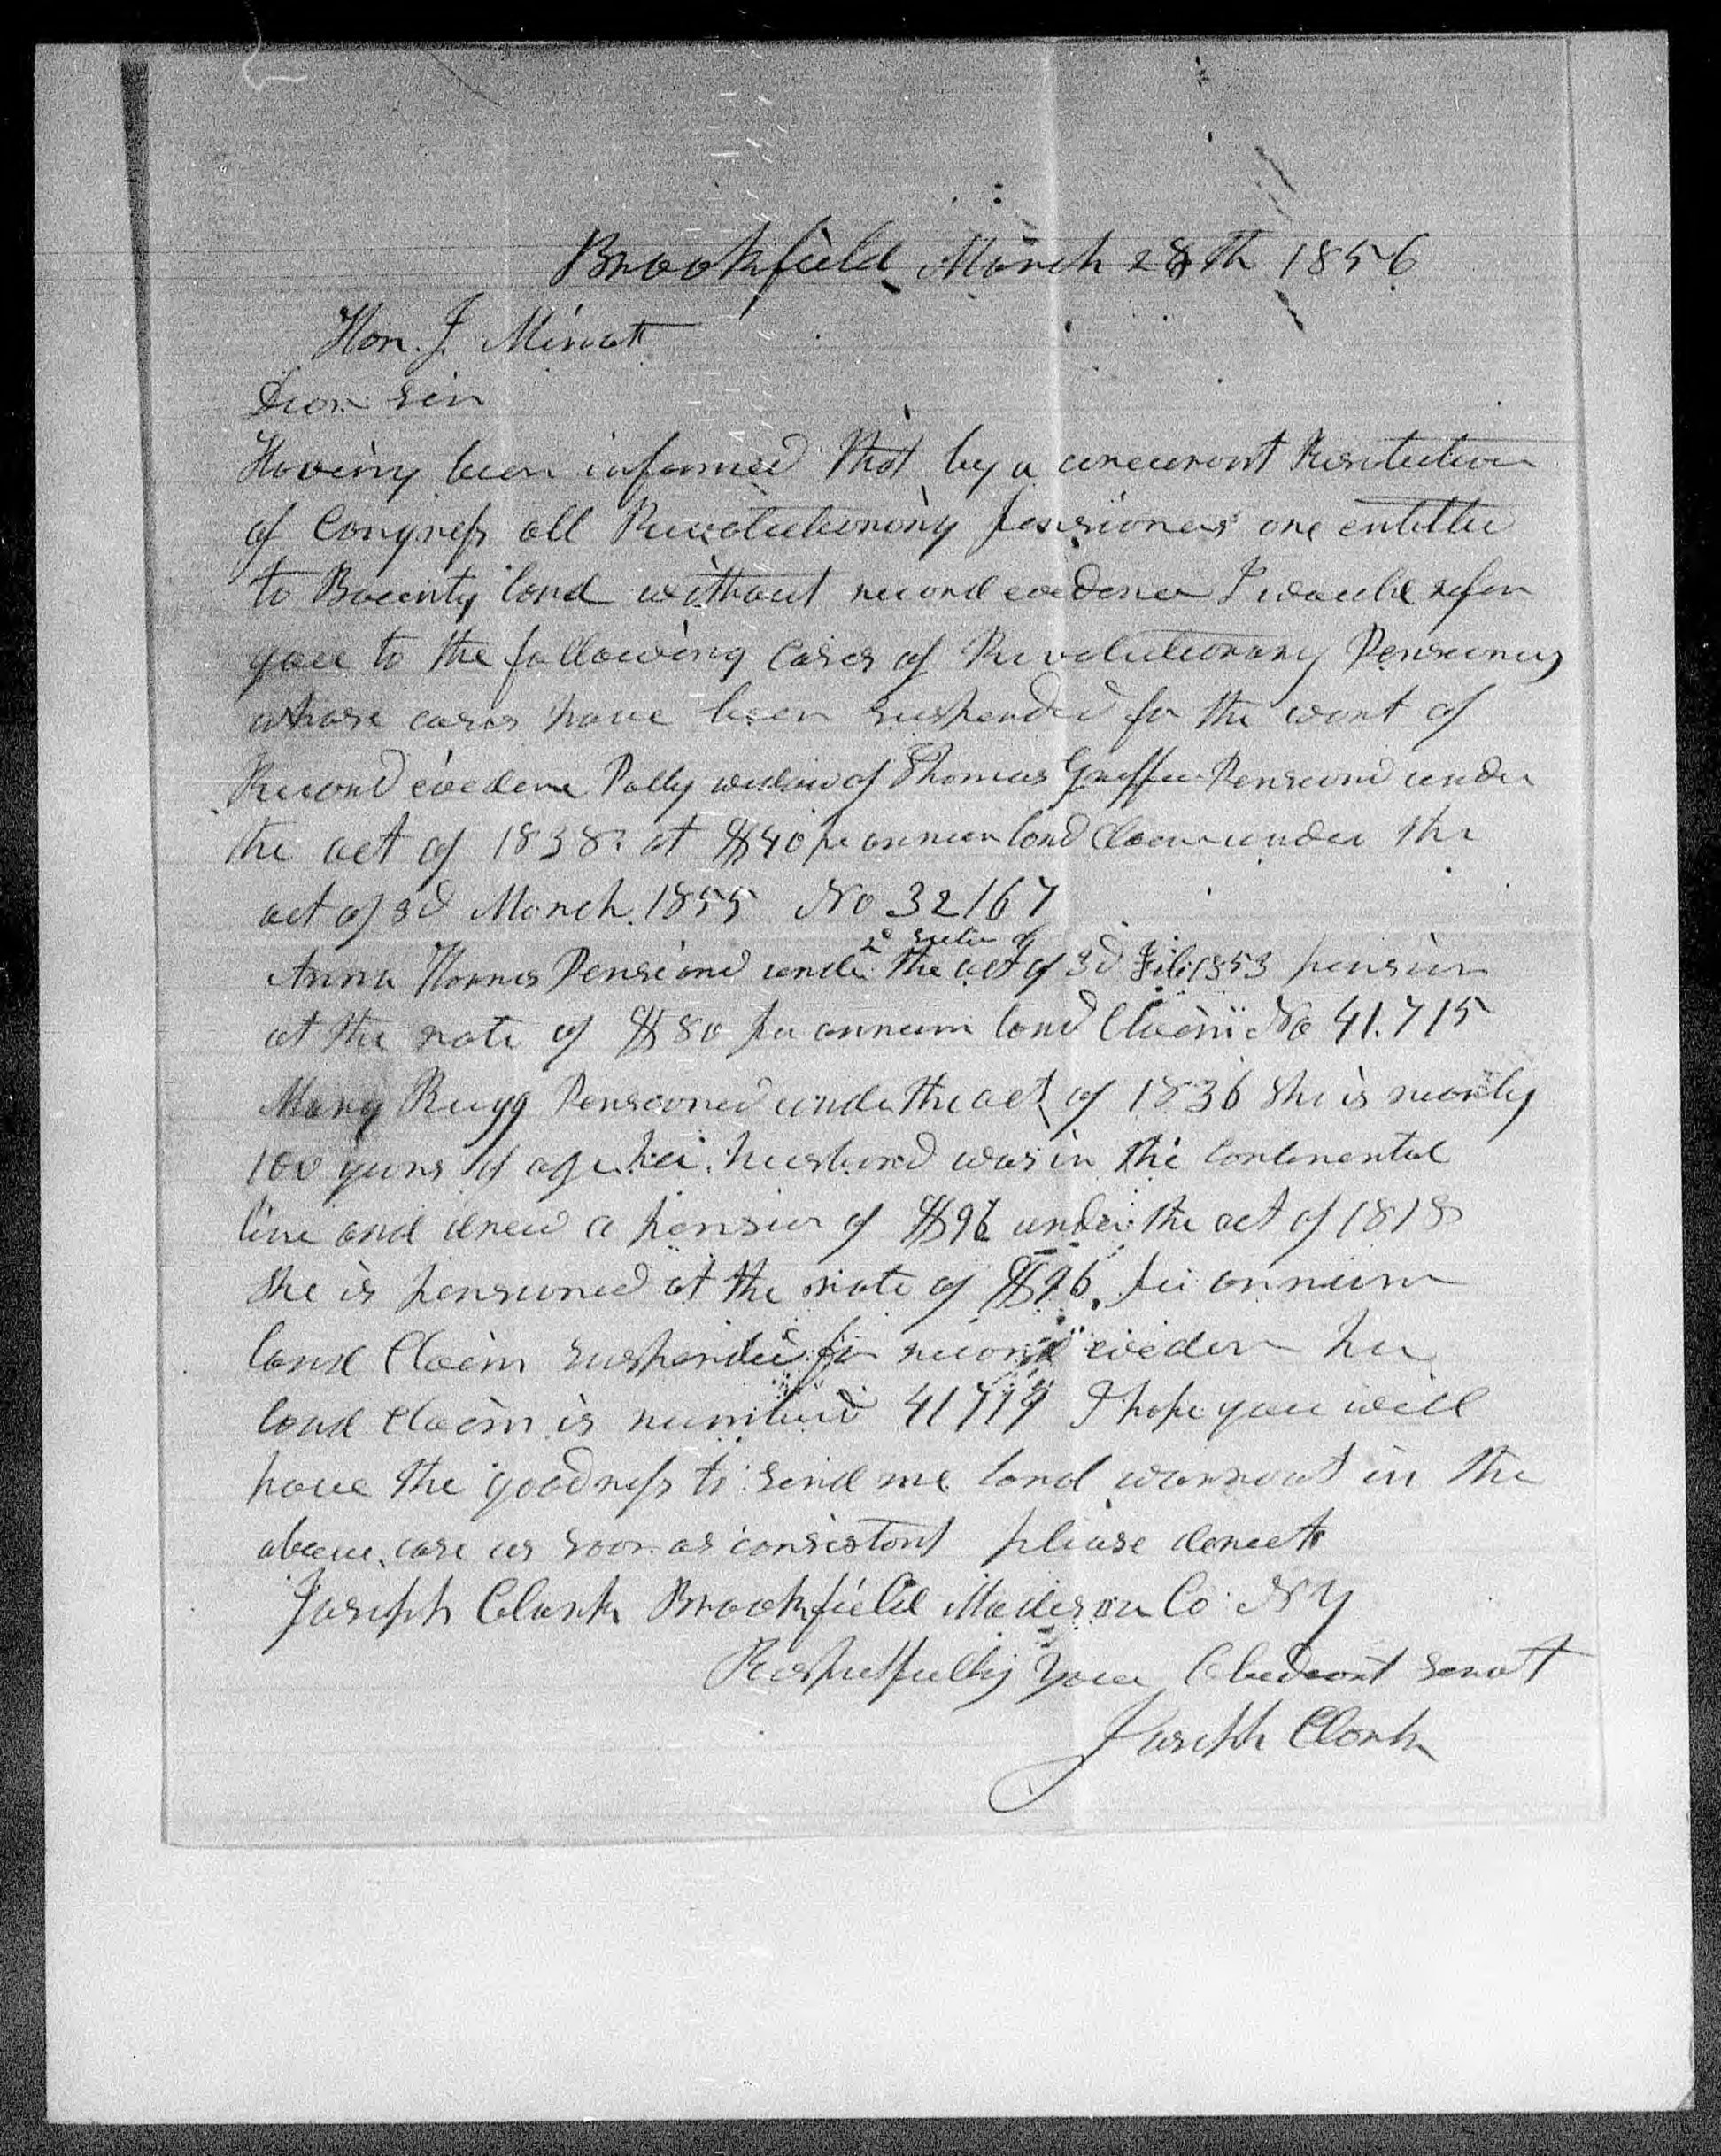Brookfield March 28th 1856
Hon J. Minot
Dear Sir Having been informed that by a concurrent Resolution of Congress all Revolutionary pensioners are entitled to Bounty land without record evidence, I would refer you to the following cases of Revolutionary Pensioners whose cases have been suspended for the want of Record evidence
Polly widow of Thomas Griffin Pensioned under the act of 1838, at $40 per annum land claim under the act of 3d March 1855, No 32167
Anna Hornes Pensioned under 2d section of the act of 3d Feb 1853, pension at the rate of $80 per annum, land claim No 41.715
Mary Brigg Pensioned under the act of 1836, she is nearly 100 years of age, her husband was in the Continental line and drew a pension of $96 under the act of 1818, she is pensioned at the rate of $96 per annum, land claim suspended for record evidence, her land claim is numbered 41719.
I hope you will have the goodness to send me land warrant in the above case as soon as consistant, please direct Joseph Clark Brookfield Madison Co NY
Respectfully your Obedient Servt
Joseph Clark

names: Polly Griffin, Joseph Clork, Joseph Clork, Mary Brigg, J Minot, Anna Homes, Thomas Griffin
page: 41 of 60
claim: widow's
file: W. 19,537, Thomas Griffin, Conn.